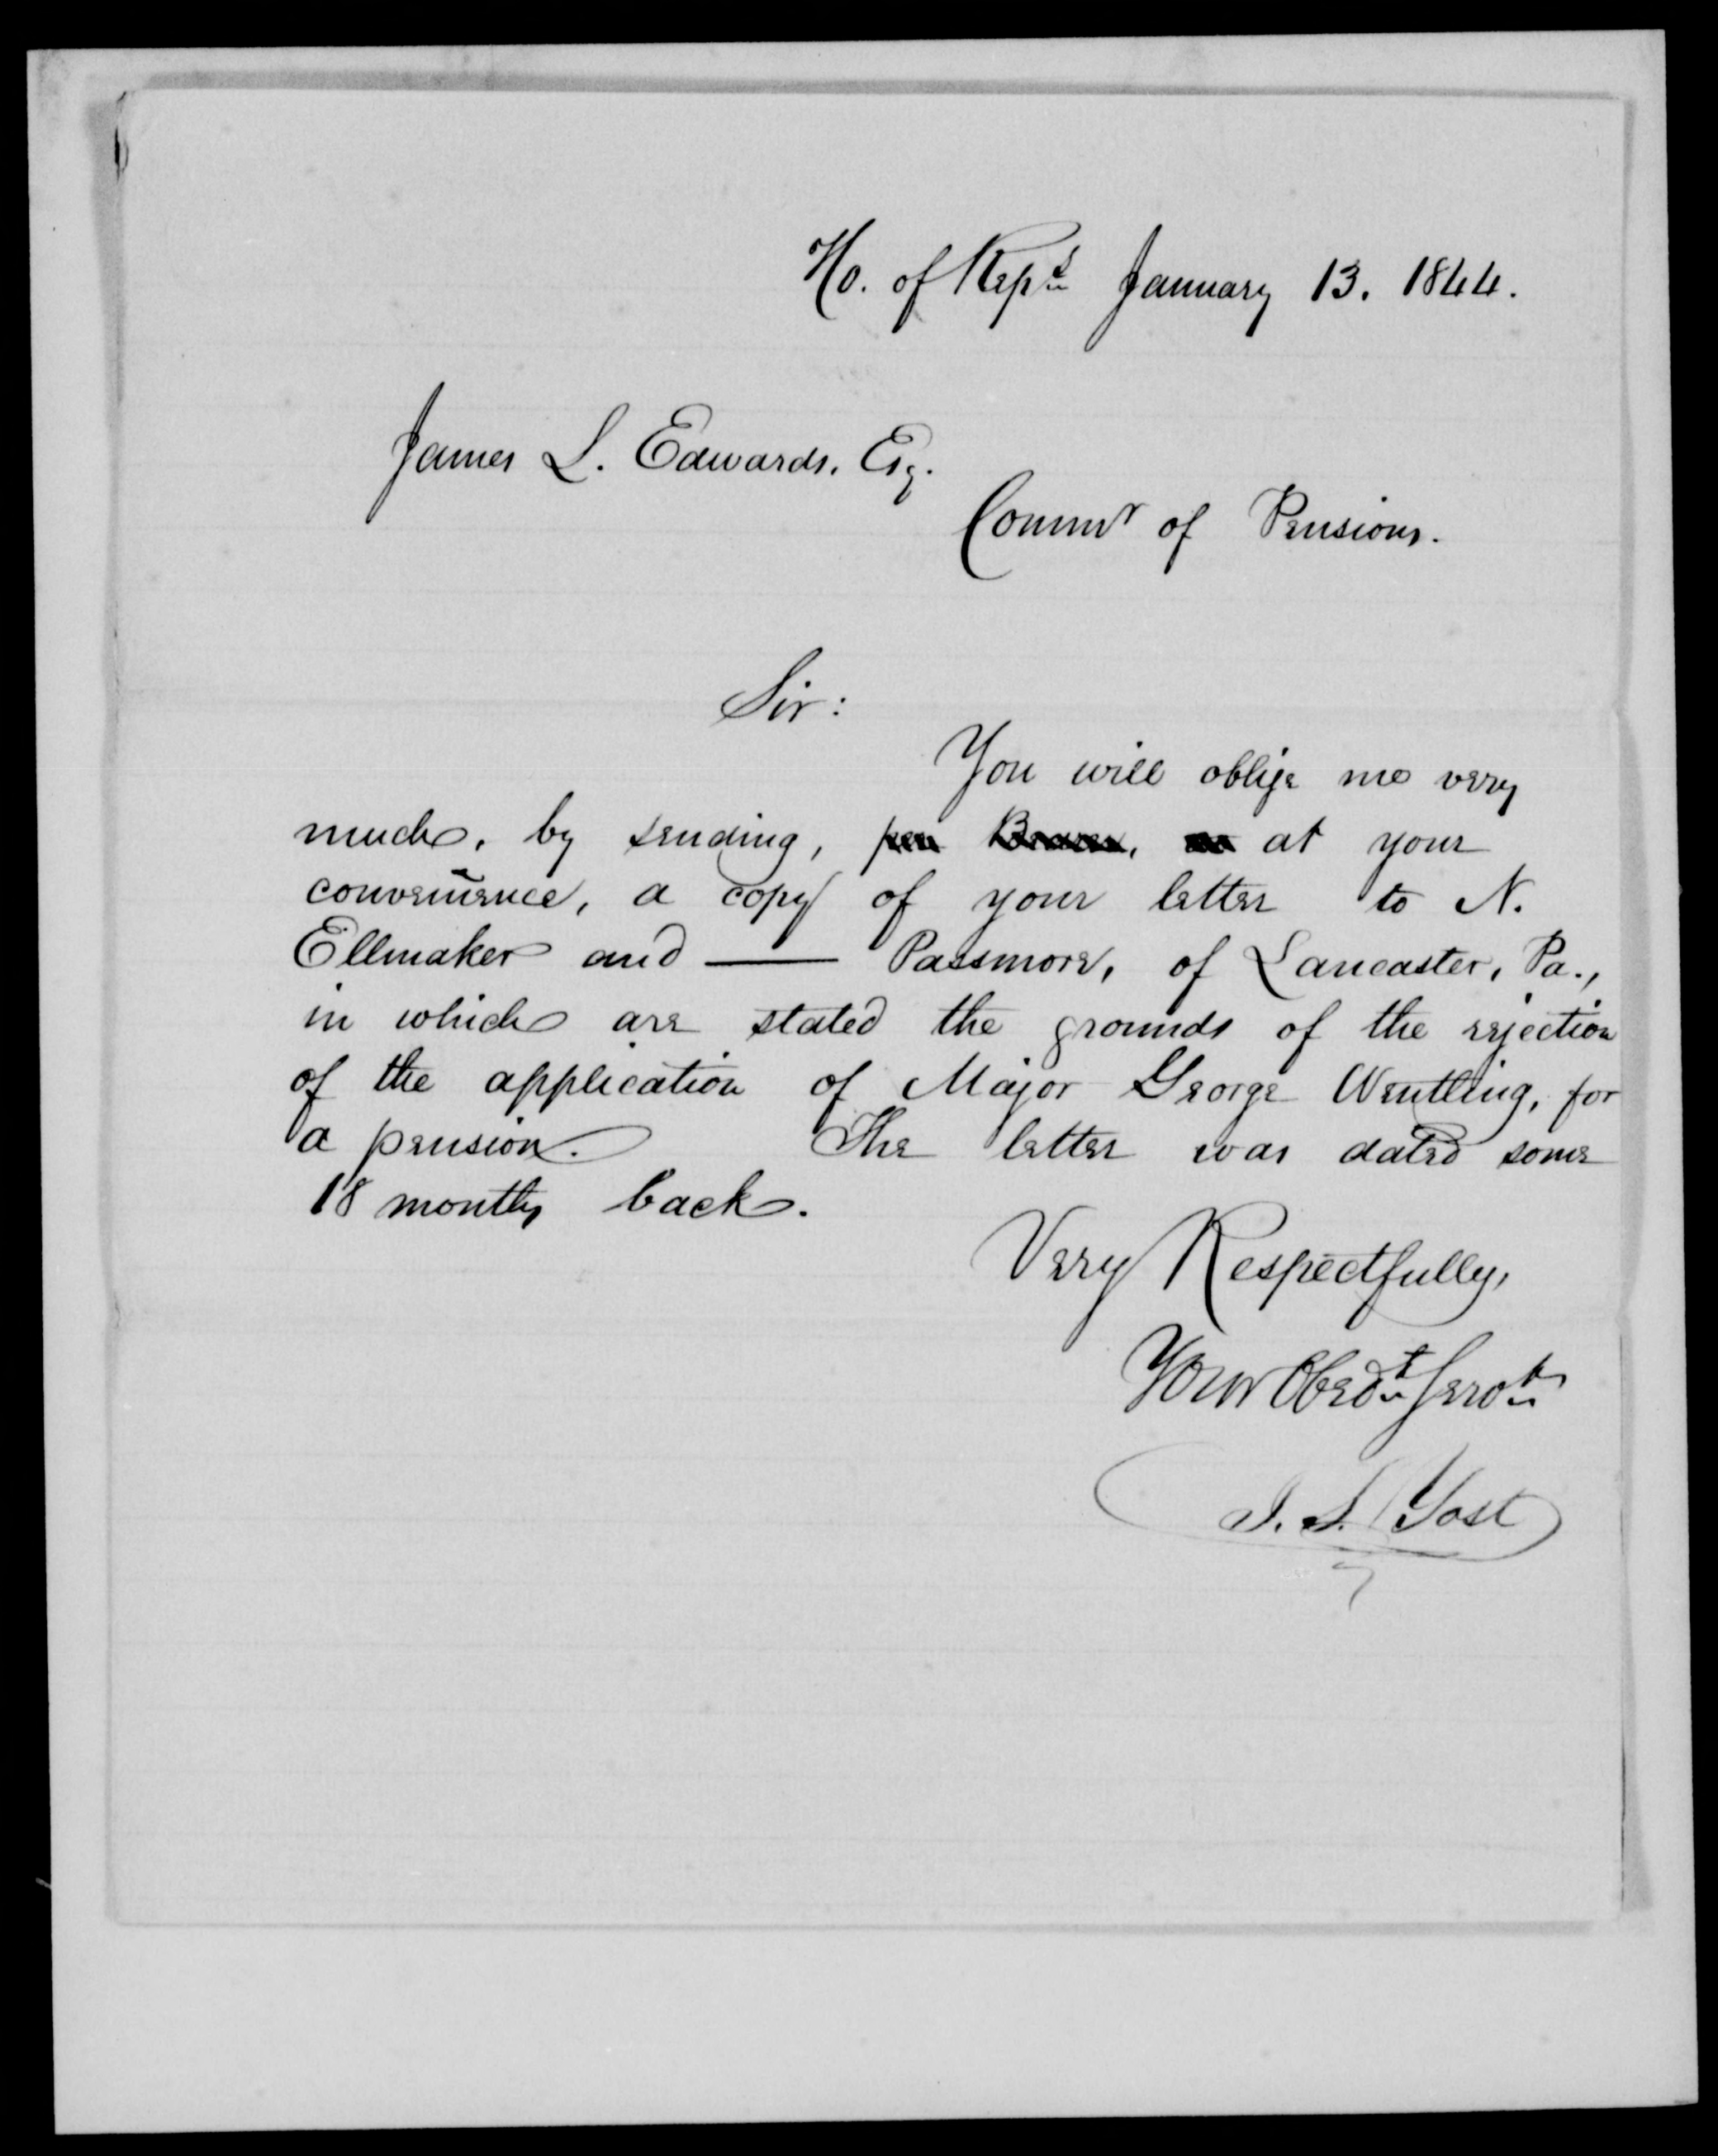Ho. of Reps January 13, 1866.

James L. Edwards. Esq.
                 Commr {Commissioner] of Pensions.

You will oblige me very much, by sending,  [{per Brown, as} crossed out] at your convenience  a copy of your letter to N. Ellmaker and ___________
Passmore, of Lancaster, Pa., in which are stated the grounds of the rejection of the application of Major George Wentling, for a pension.  The letter was dated some 18 months back.
            Very Respectfully, 
                Your Obedt Servt [Obedient servant]
                                J. S. Yost.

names: George Wentling, N Ellmaker, Passmore, James L Edwards, J S Yost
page: 30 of 68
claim: survivor's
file: S. 6,358, George Wentling, Penn.